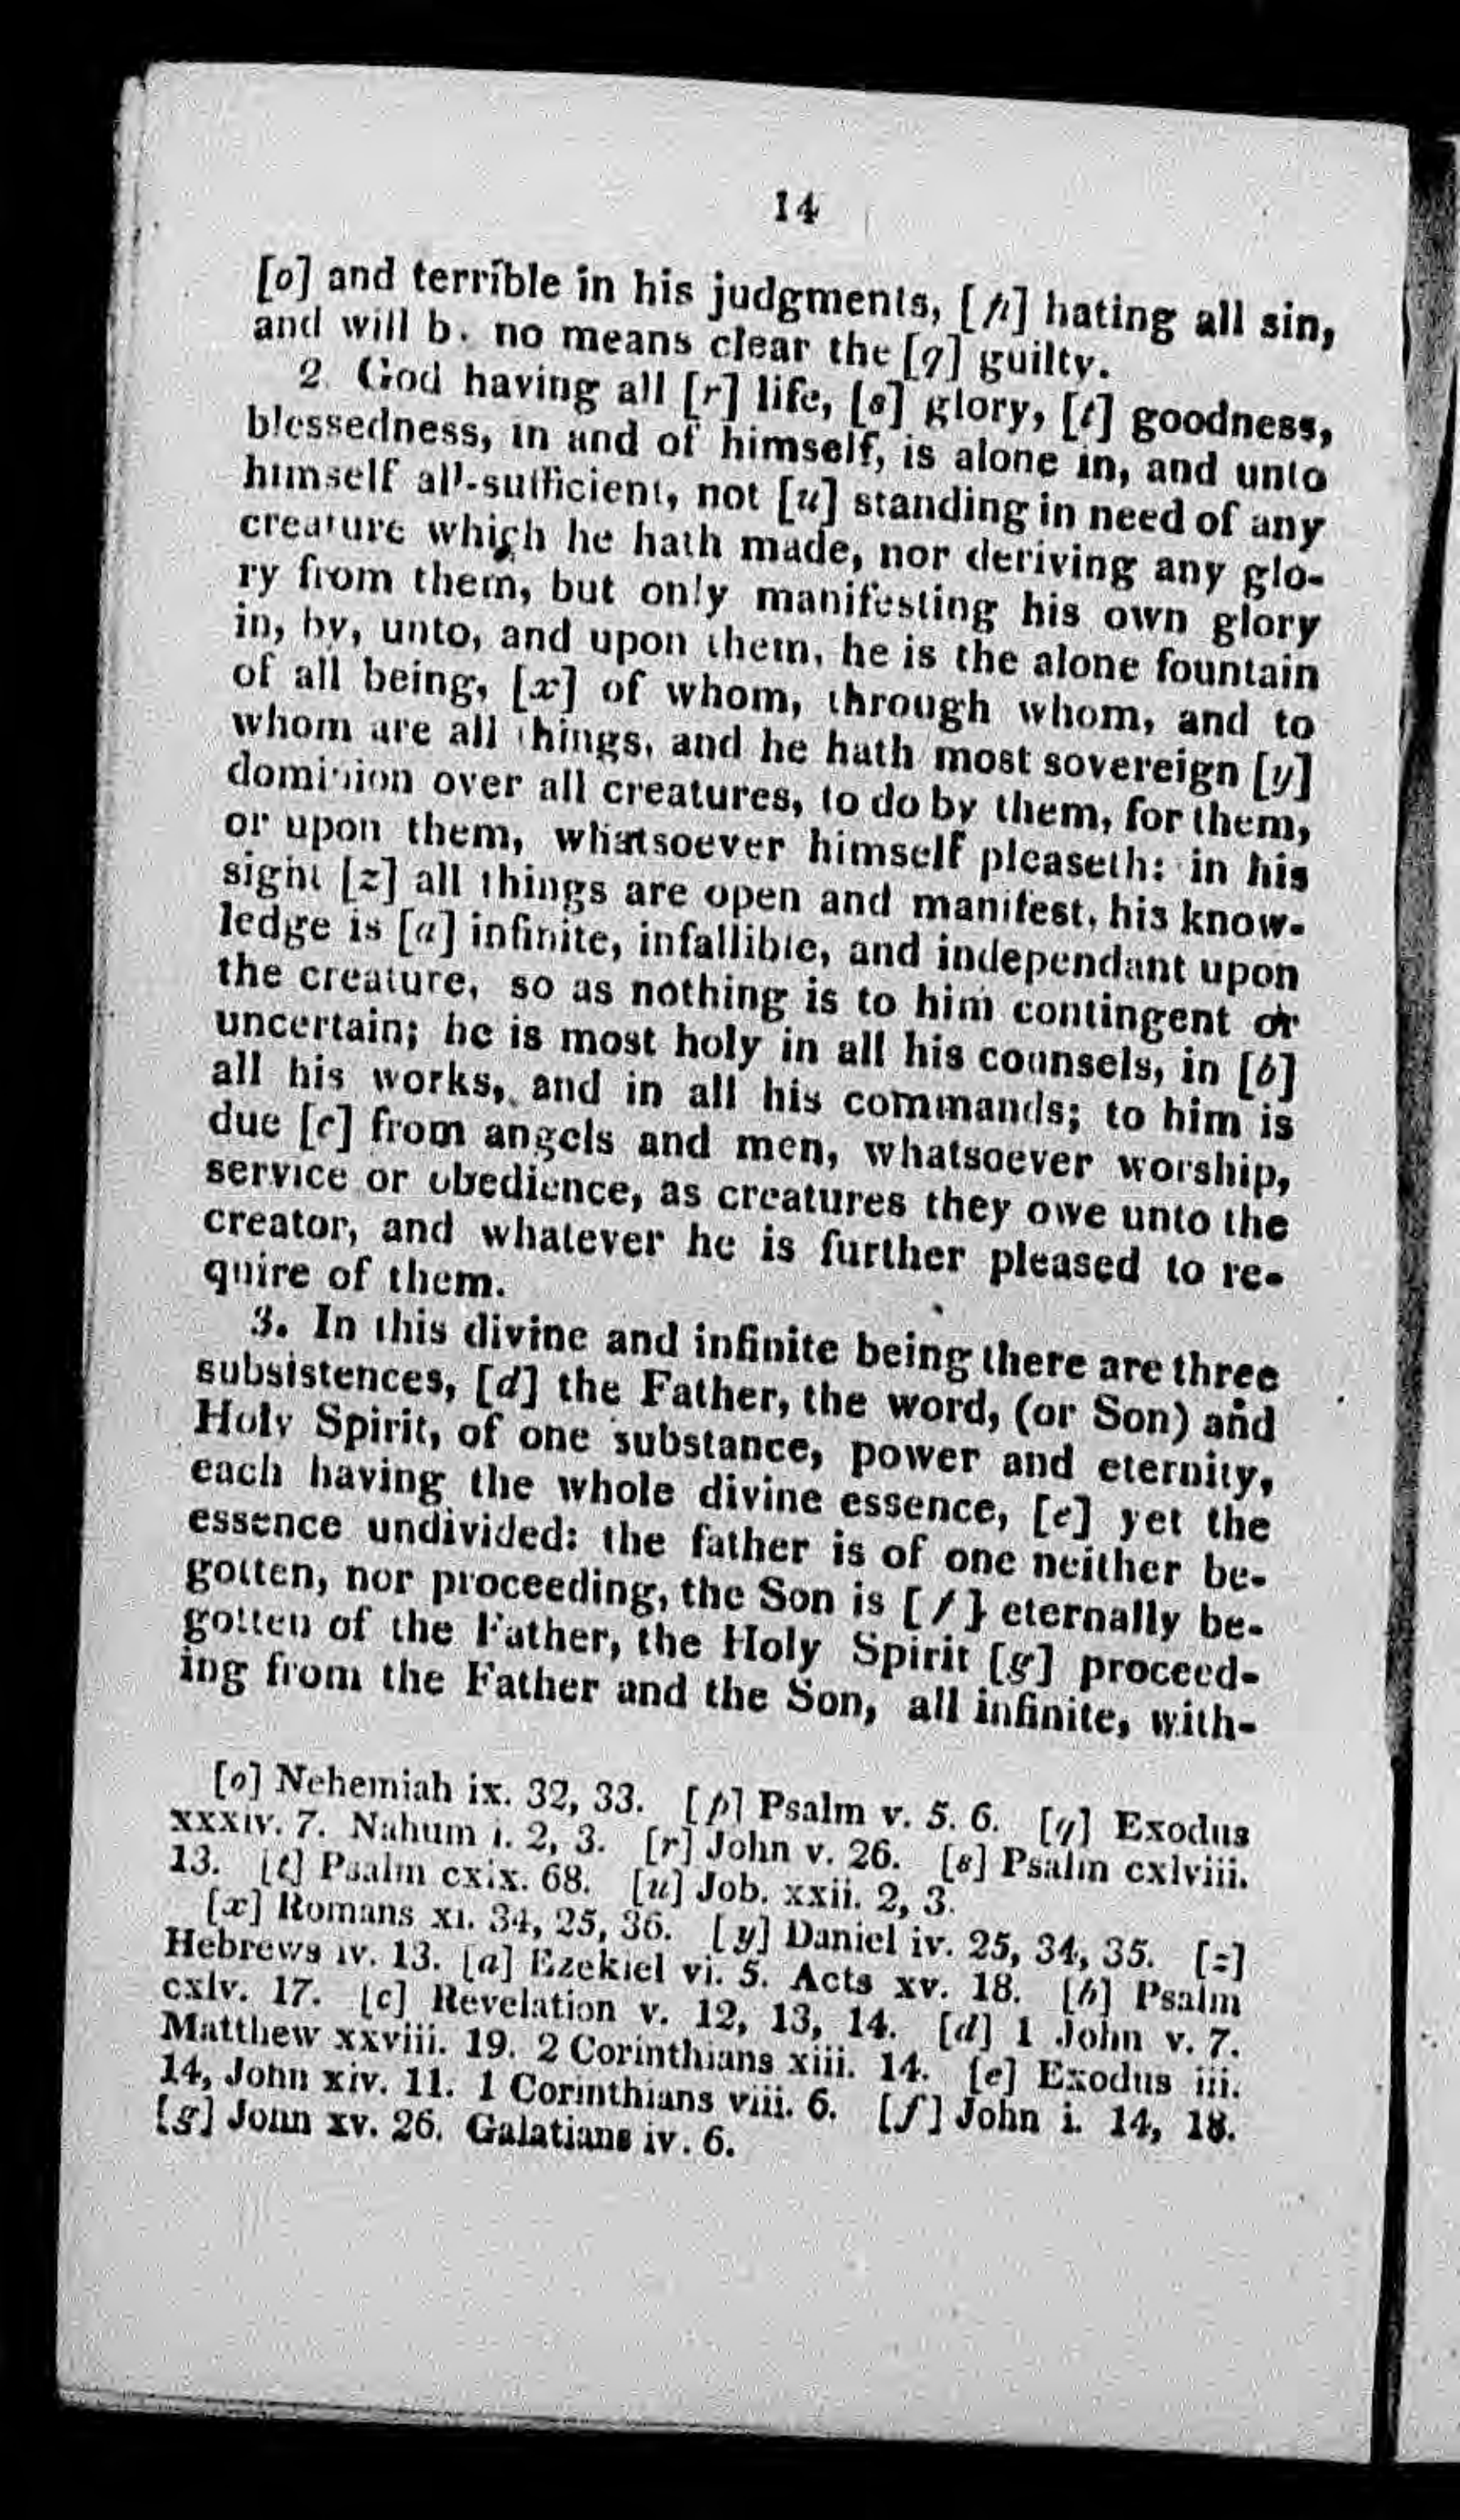14

[o] and terrible in his judgments, ([p] hating all sin,
and will be no means clear the [q] guilty.

2. God having all [r] life, [s] glory, [t]goodness,
blessedness, in and of himself, is alone in, and unto
himself all-sufficient, not [u] standing in need of any
creature which he hath made, nor deriving any glory
from them, but only manifesting his own glory
in, by, unto, and upon them, he is the alone fountain
of all being, [x] of whom, through whom, and to
whom are all things, and he hath most sovereign
dominion over all creatures, to do by them, for them,
or upon them, whatsoever himself pleaseth: in his
[z] all things are open and manifest, his knowledge
is [a] infinite, infallible, and independant upon
the creature, so as nothing is to him contingent or
uncertain; he is most holy in all his counsels, in 12
all his works, and in all his commands; to him is
due [e] from angels and men, whatsoever worship,
service or obedience, as creatures they owe unto the
creator, and whatever he is further pleased to require
of them.

3. In this divine and infinite being there are three
subsistence, [d] the Father, the word, (or son) and
Holy Spirit of one substance, power and eternity,
each having the whole divine essence, [e] yet the
essence undivided: the father is of one neither be
gotten, nor proceeding, the Son is [f] eternally be
gotten of the Father, the Holy Spirit [g] proceeding
from the Father and the Son, all infinite, with-

[below was not transcribed and has typos]

[o] Nehemiah ix, 32, 33. [p]Psalm v. 5. 6. 2 Exodus
XIV. T. Nahum 1, 2, 3. [r]John V. 26. (a) Patin exlvii.
13.  Psalm exix. 68. In Job xxi; 22
Romans X. 34, 23, 30. (3) Daniel v. 25, 34, 35.
Hebrews in 13. Ezekiel vi. 5. Acts xv. 18 (4 Palm
iv. 17. 11 Revelation , 12, 13, 14 a 1 John V. T.
Matthew xxviii. 19. 2 Corinthians xill. 14. Exodus in
John xiv. 11. 1 Corinthians vili. 6. 1 John 114, 18.
John xv. 26, Galatians iv. 6.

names: Matthew, Ezekiel, John, John, John, Daniel, Job, John, John, Nehemiah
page: 19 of 98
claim: widow's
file: W. 8398, William Broadway, S.C.